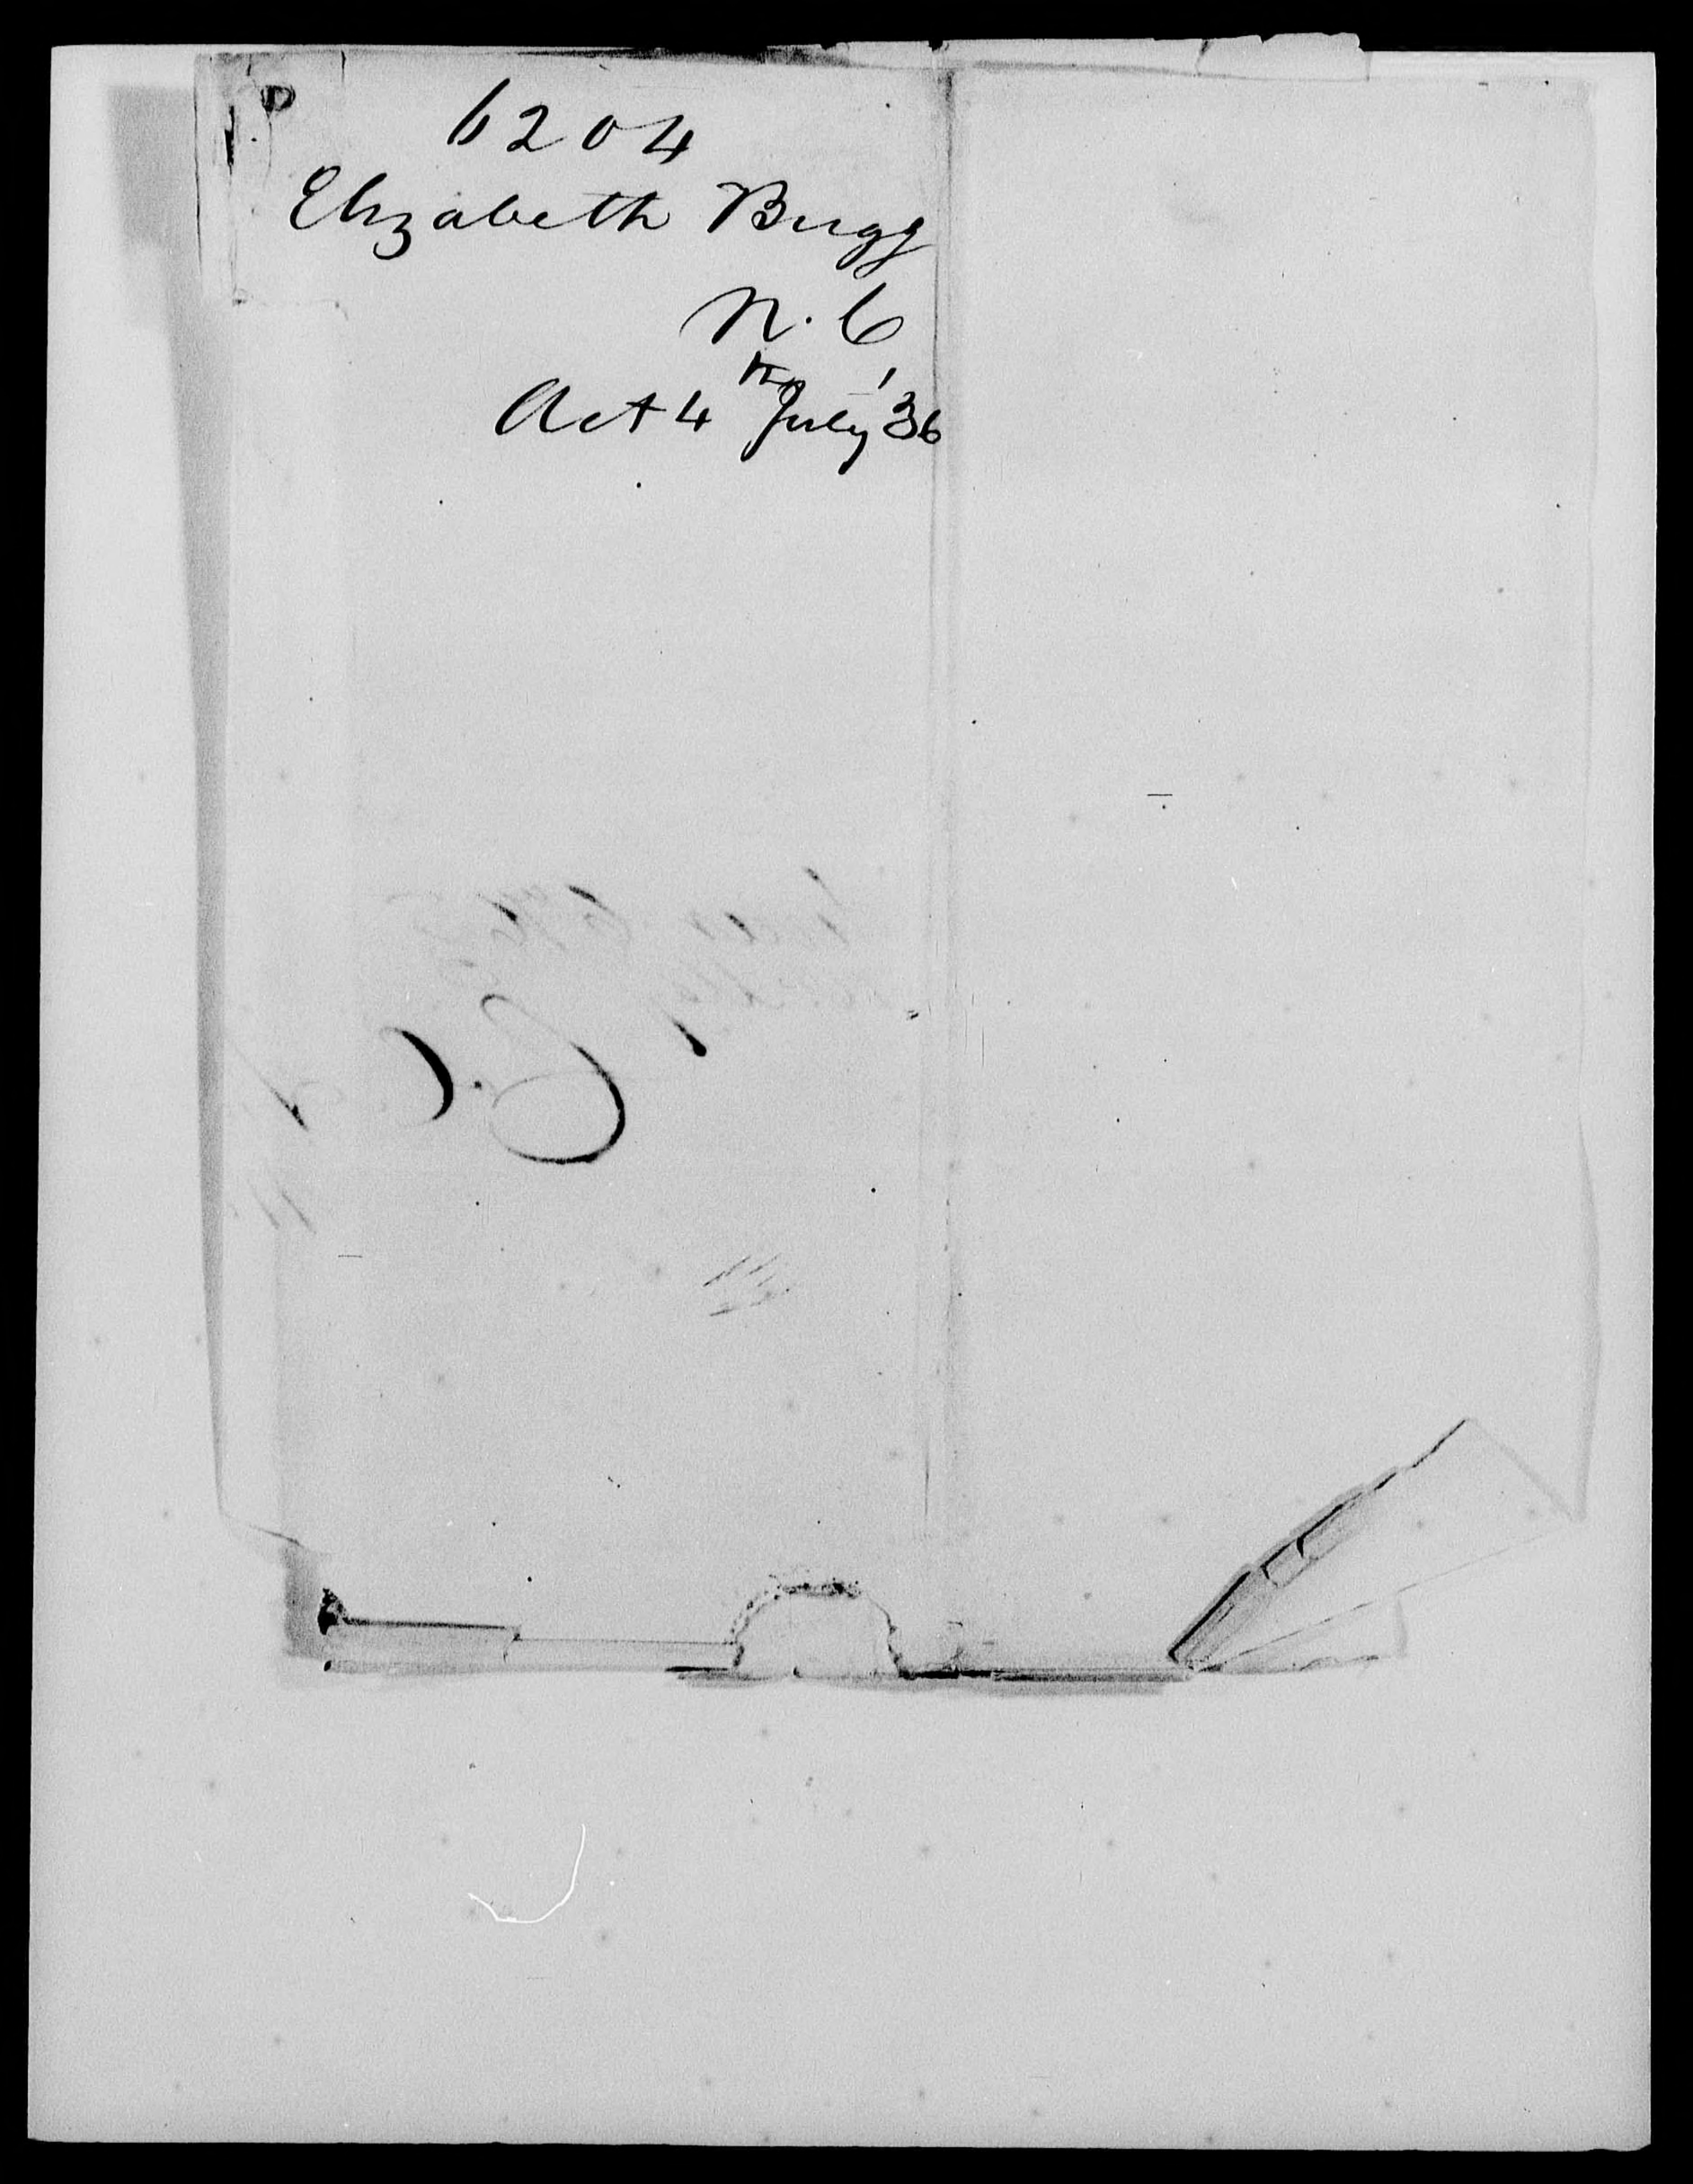6204
Elizabeth Bugg
N.C
Act 4th July '36 [1836]

[A few backwards faded letters appear below, and appear to be ink transfers from the other side of the record page.]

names: Elizabeth Bugg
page: 42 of 50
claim: widow's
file: W. 898, William Bugg, N.C.